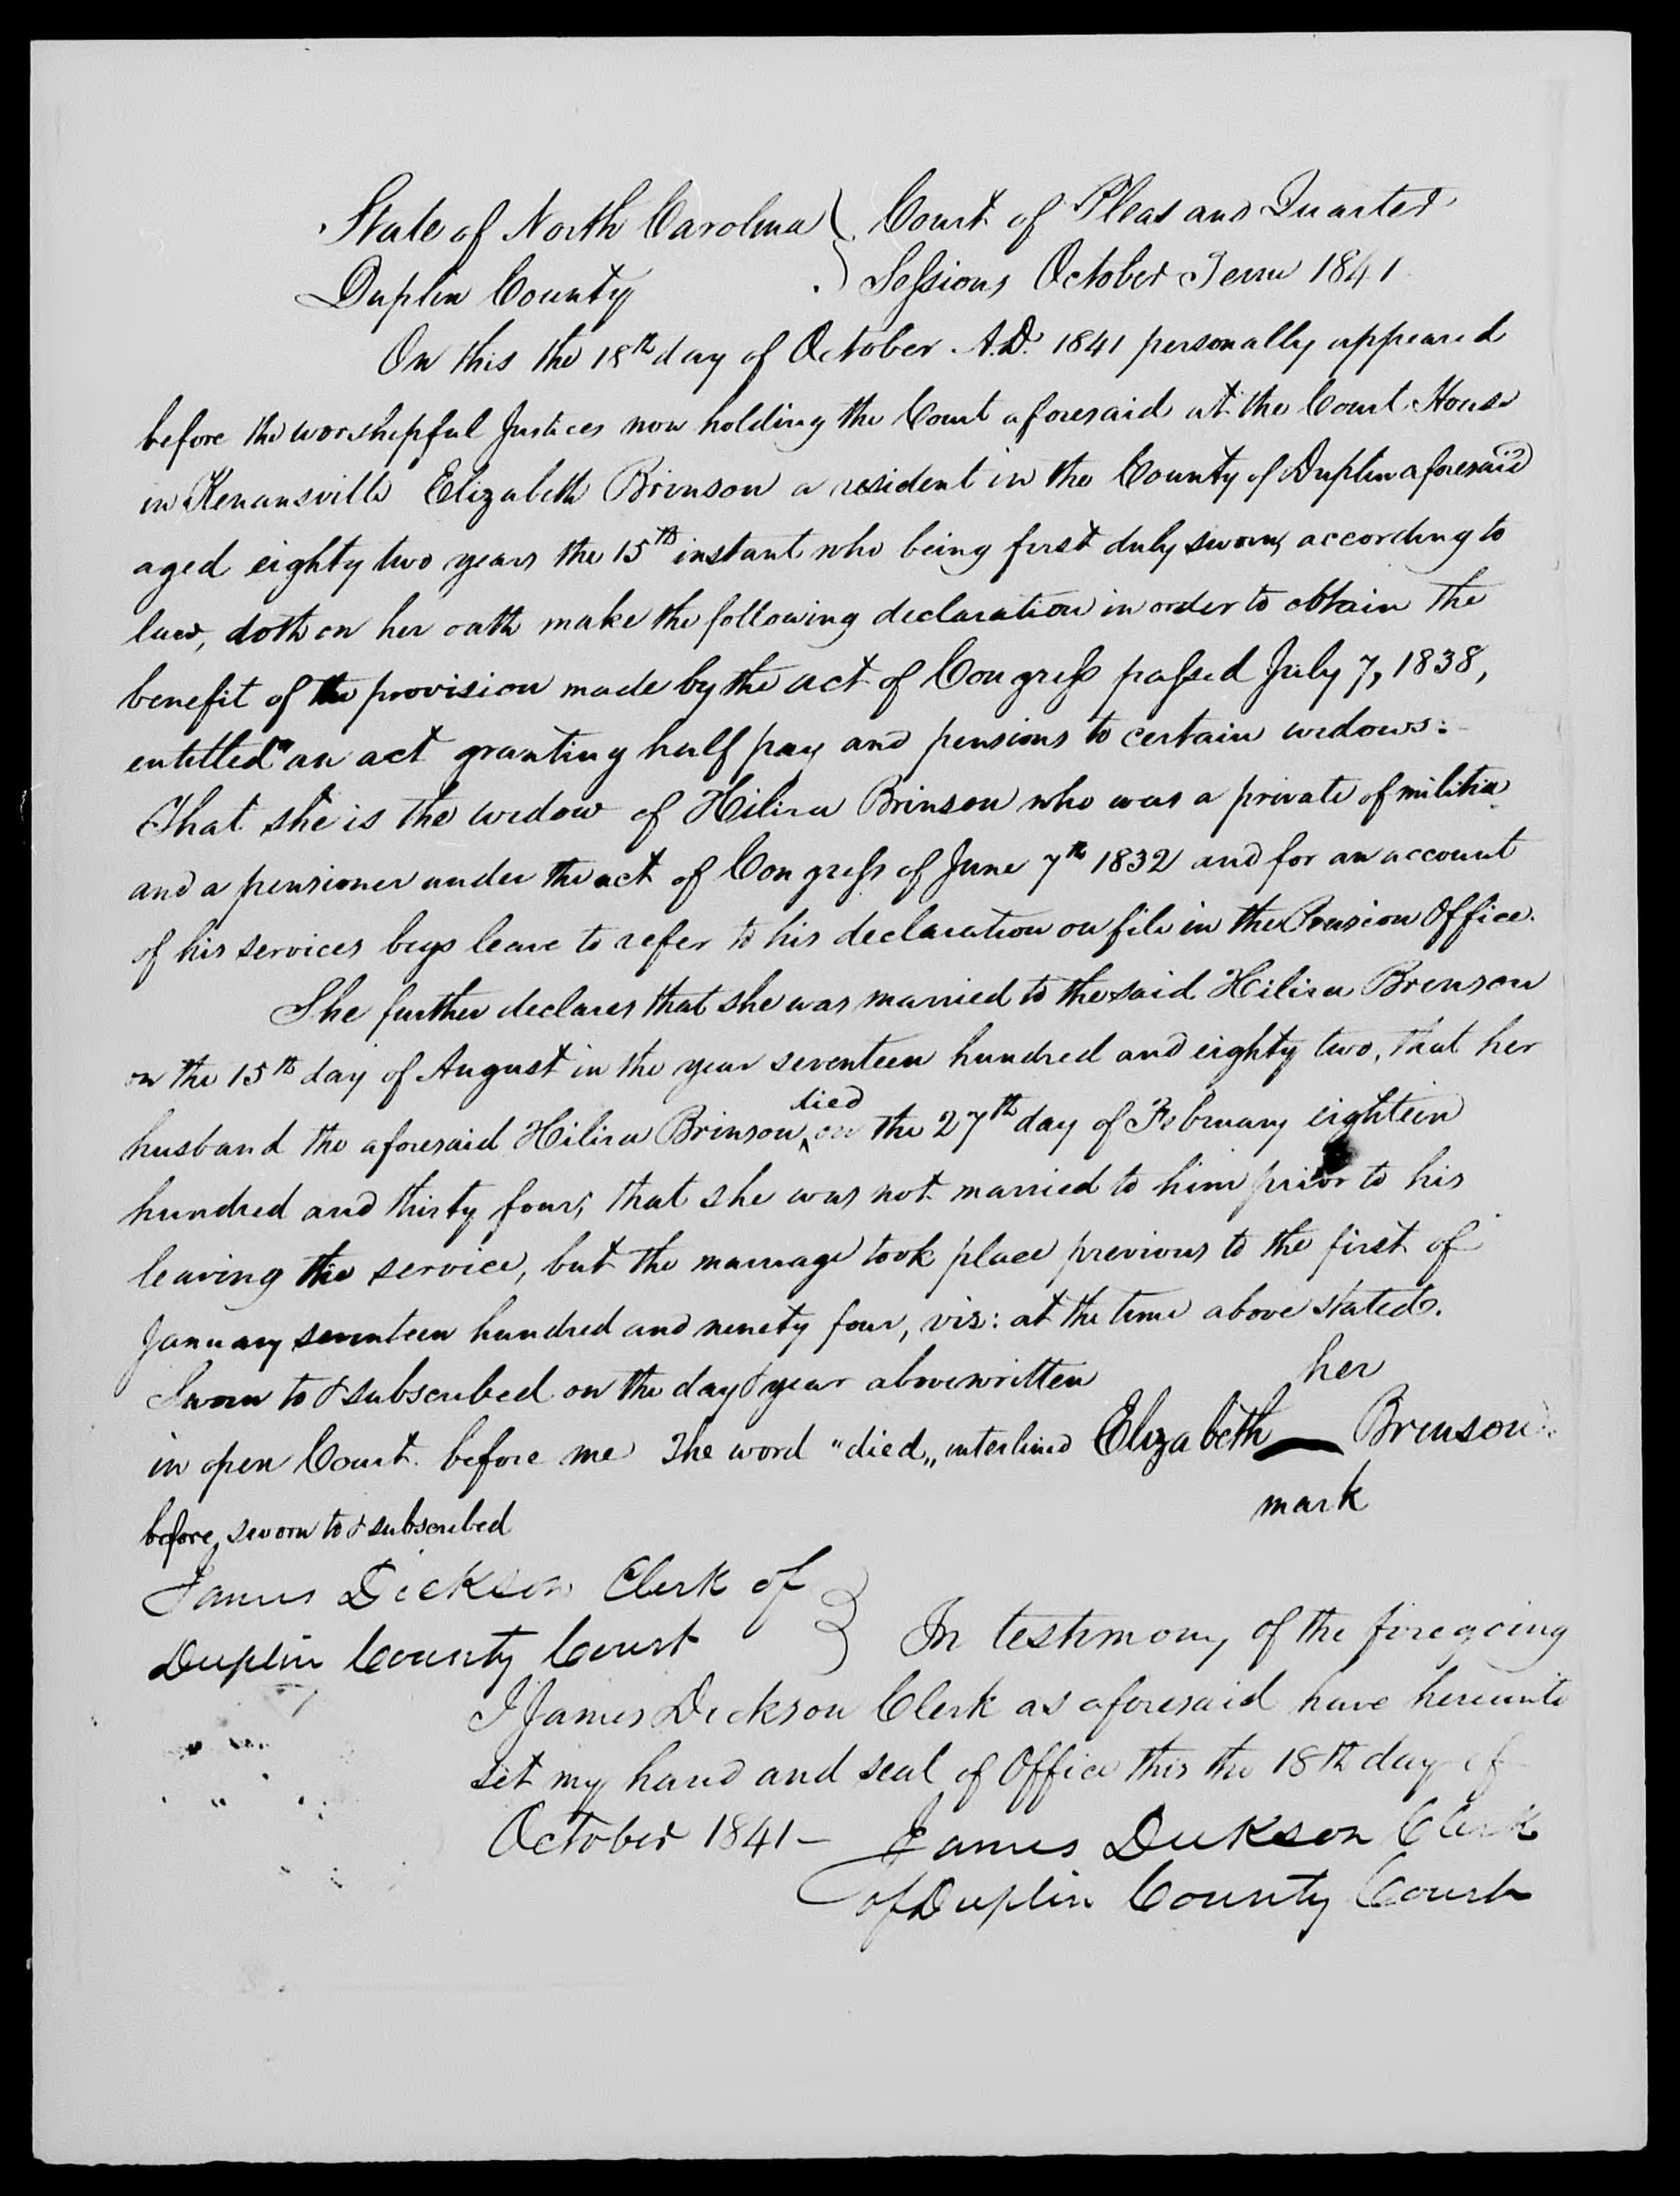State of North Carolina
Duplin county }  Court of Pleas and Quarter Sessions October Term 1841

On this the 18th day of October A.D. 1841 personally appeared before the worshipful Justices now holding the Court  aforesaid at the Court House in Kenansville Elizabeth Brinson a resident in the County of Duplin aforesaid aged eighty two years the 15th instant who being first duly sworn, according to law, doth on her oath make the following declaration in order to obtain the benefit of the provision made by the act of Congress passed July 7, 1838, entitled "an act granting half pay and pensions to certain widows. That she is the widow of Hilira Brinson who was a  private of militia and a pensioner under the act of Congress of June  7th 1832 and for an account of his services begs leave to refer to his declaration on file in the Pension Office.
She further declares that she ws married to the said Hilira Brinson on the 15th day of August in the year seventeen hundred and eighty two, that her husband the aforesaid Hiliria Brinson died on the 27th day of February eighteen hundred and thirty four; that she was not married to him prior to his leaving the service, but the marriage took place previous to the first of January seventeen hundred and ninety four, vis: at the time above stated. Sworn to and subscribed on the day and year above written in open court before me the word "died" underlined before sworn to and subscribed  Elizabeth Brinson (her mark)  James Dickson Clerk of Duplin County Court
In testimony of the foregoing I James Dickson Clerk as aforesaid have hereunto set my hand and seal of office this the 18th day of October 1841- James Dickson Clerk of Duplin County Court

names: James Dickson, Elizabeth Brinson, Hilira Brinson, Elizabeth Brinson, James Dickson, Hilira Brenson, Hilira Brinson, James Dickson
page: 5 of 38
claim: widow's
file: W. 5231, Hilary Brinson, N.C.